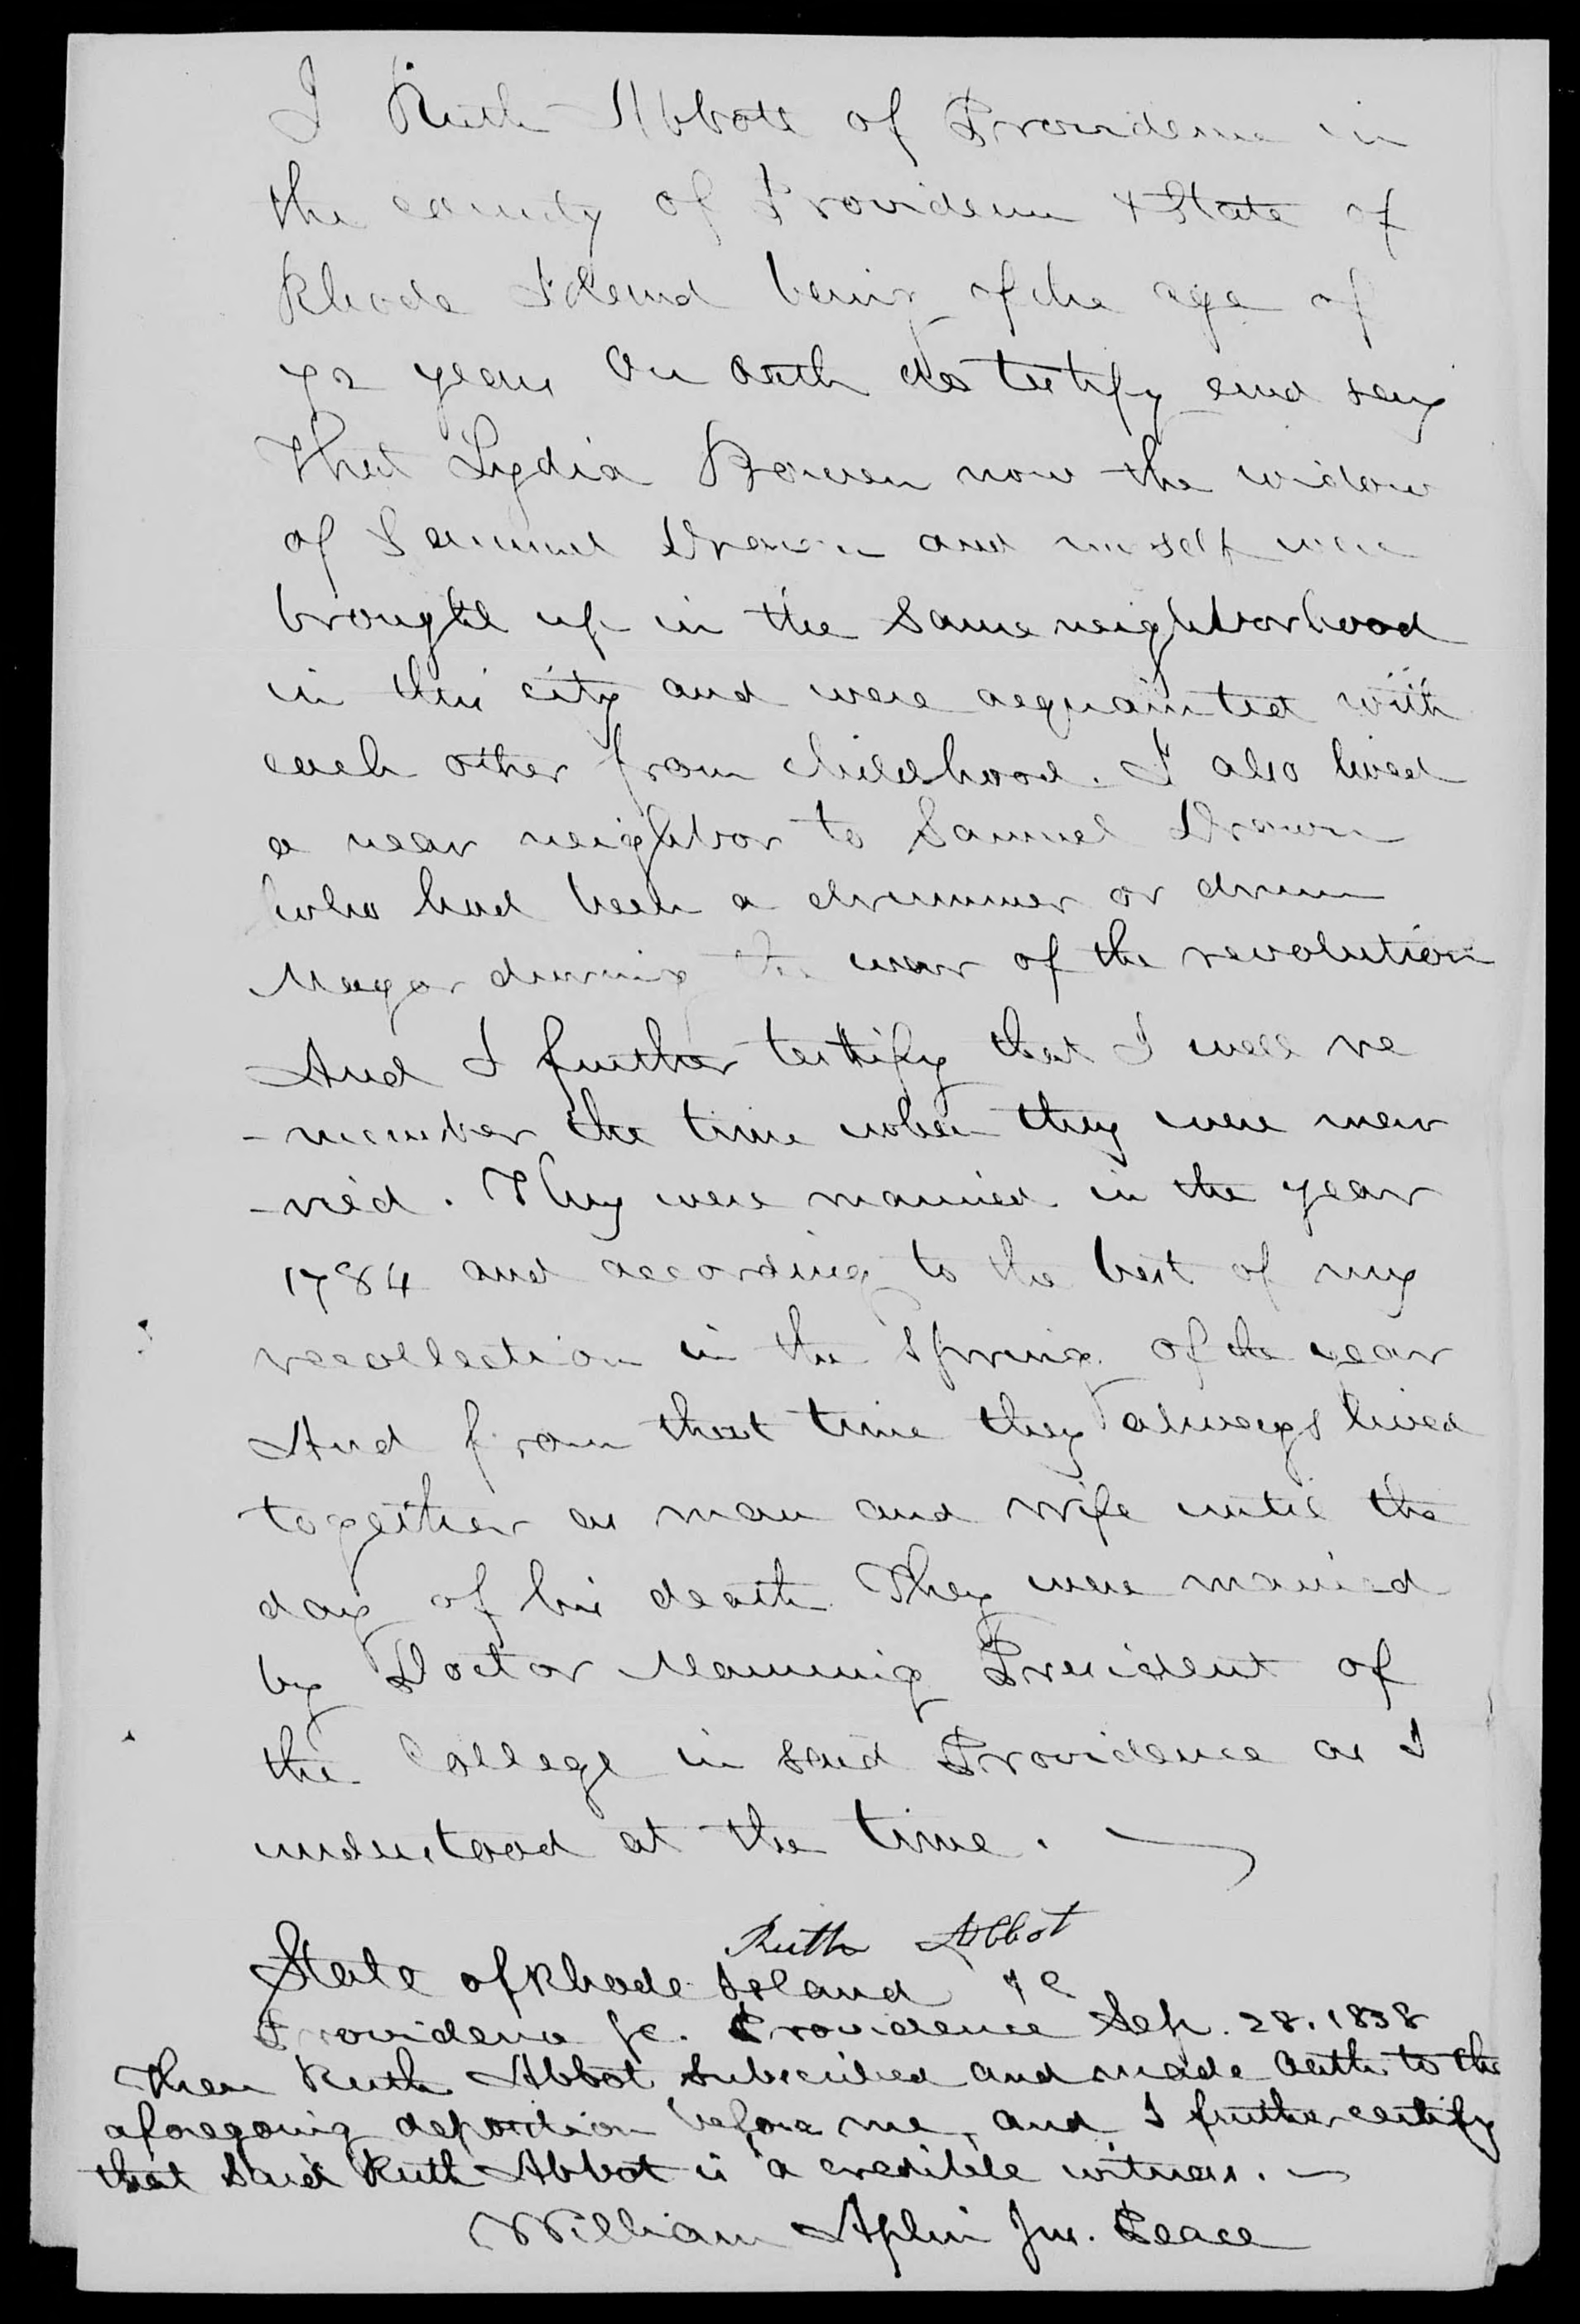I Ruth Abbot of Providence in the county of
Providence and State of Rhode Island being of the age of 72 years on oath do testify and say
that Lydia Drown now the widow of
Samuel Drown and myself were 
brought up in the same neighborhood
in the city and were acquainted with
each other from childhood. I also lived
a near neighbor to Samuel Drown 
who had been a drummer or drum Major during the war of the revolution

And I further testify that I well remember the time when they were married. They were married in 
the year 1784 and according to the best of my 
recollection in the spring of the year
And from that time they always lived together as man and wife until the day of his death They were married by Doctor Manning President of
the college in said Providence as I understood
at the time. -

Ruth Abbot
State of Rhode Island & Providence Pl
Providence Sept. 28, 1838
There Ruth Abbot subscribed and made oath to the
aforegoing deposition before me and I further certify that said Ruth Abbot is a credible witness. -
William Aplin Jus. Peace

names: Lydia Bowen, William Aplin, Ruth Abbot, Samuel Drown, Ruth Abbot, Ruth Abbott, Manning, Ruth Abbot, Samuel Drown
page: 20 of 31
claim: widow's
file: W 21004, Samuel Drown, R.I.